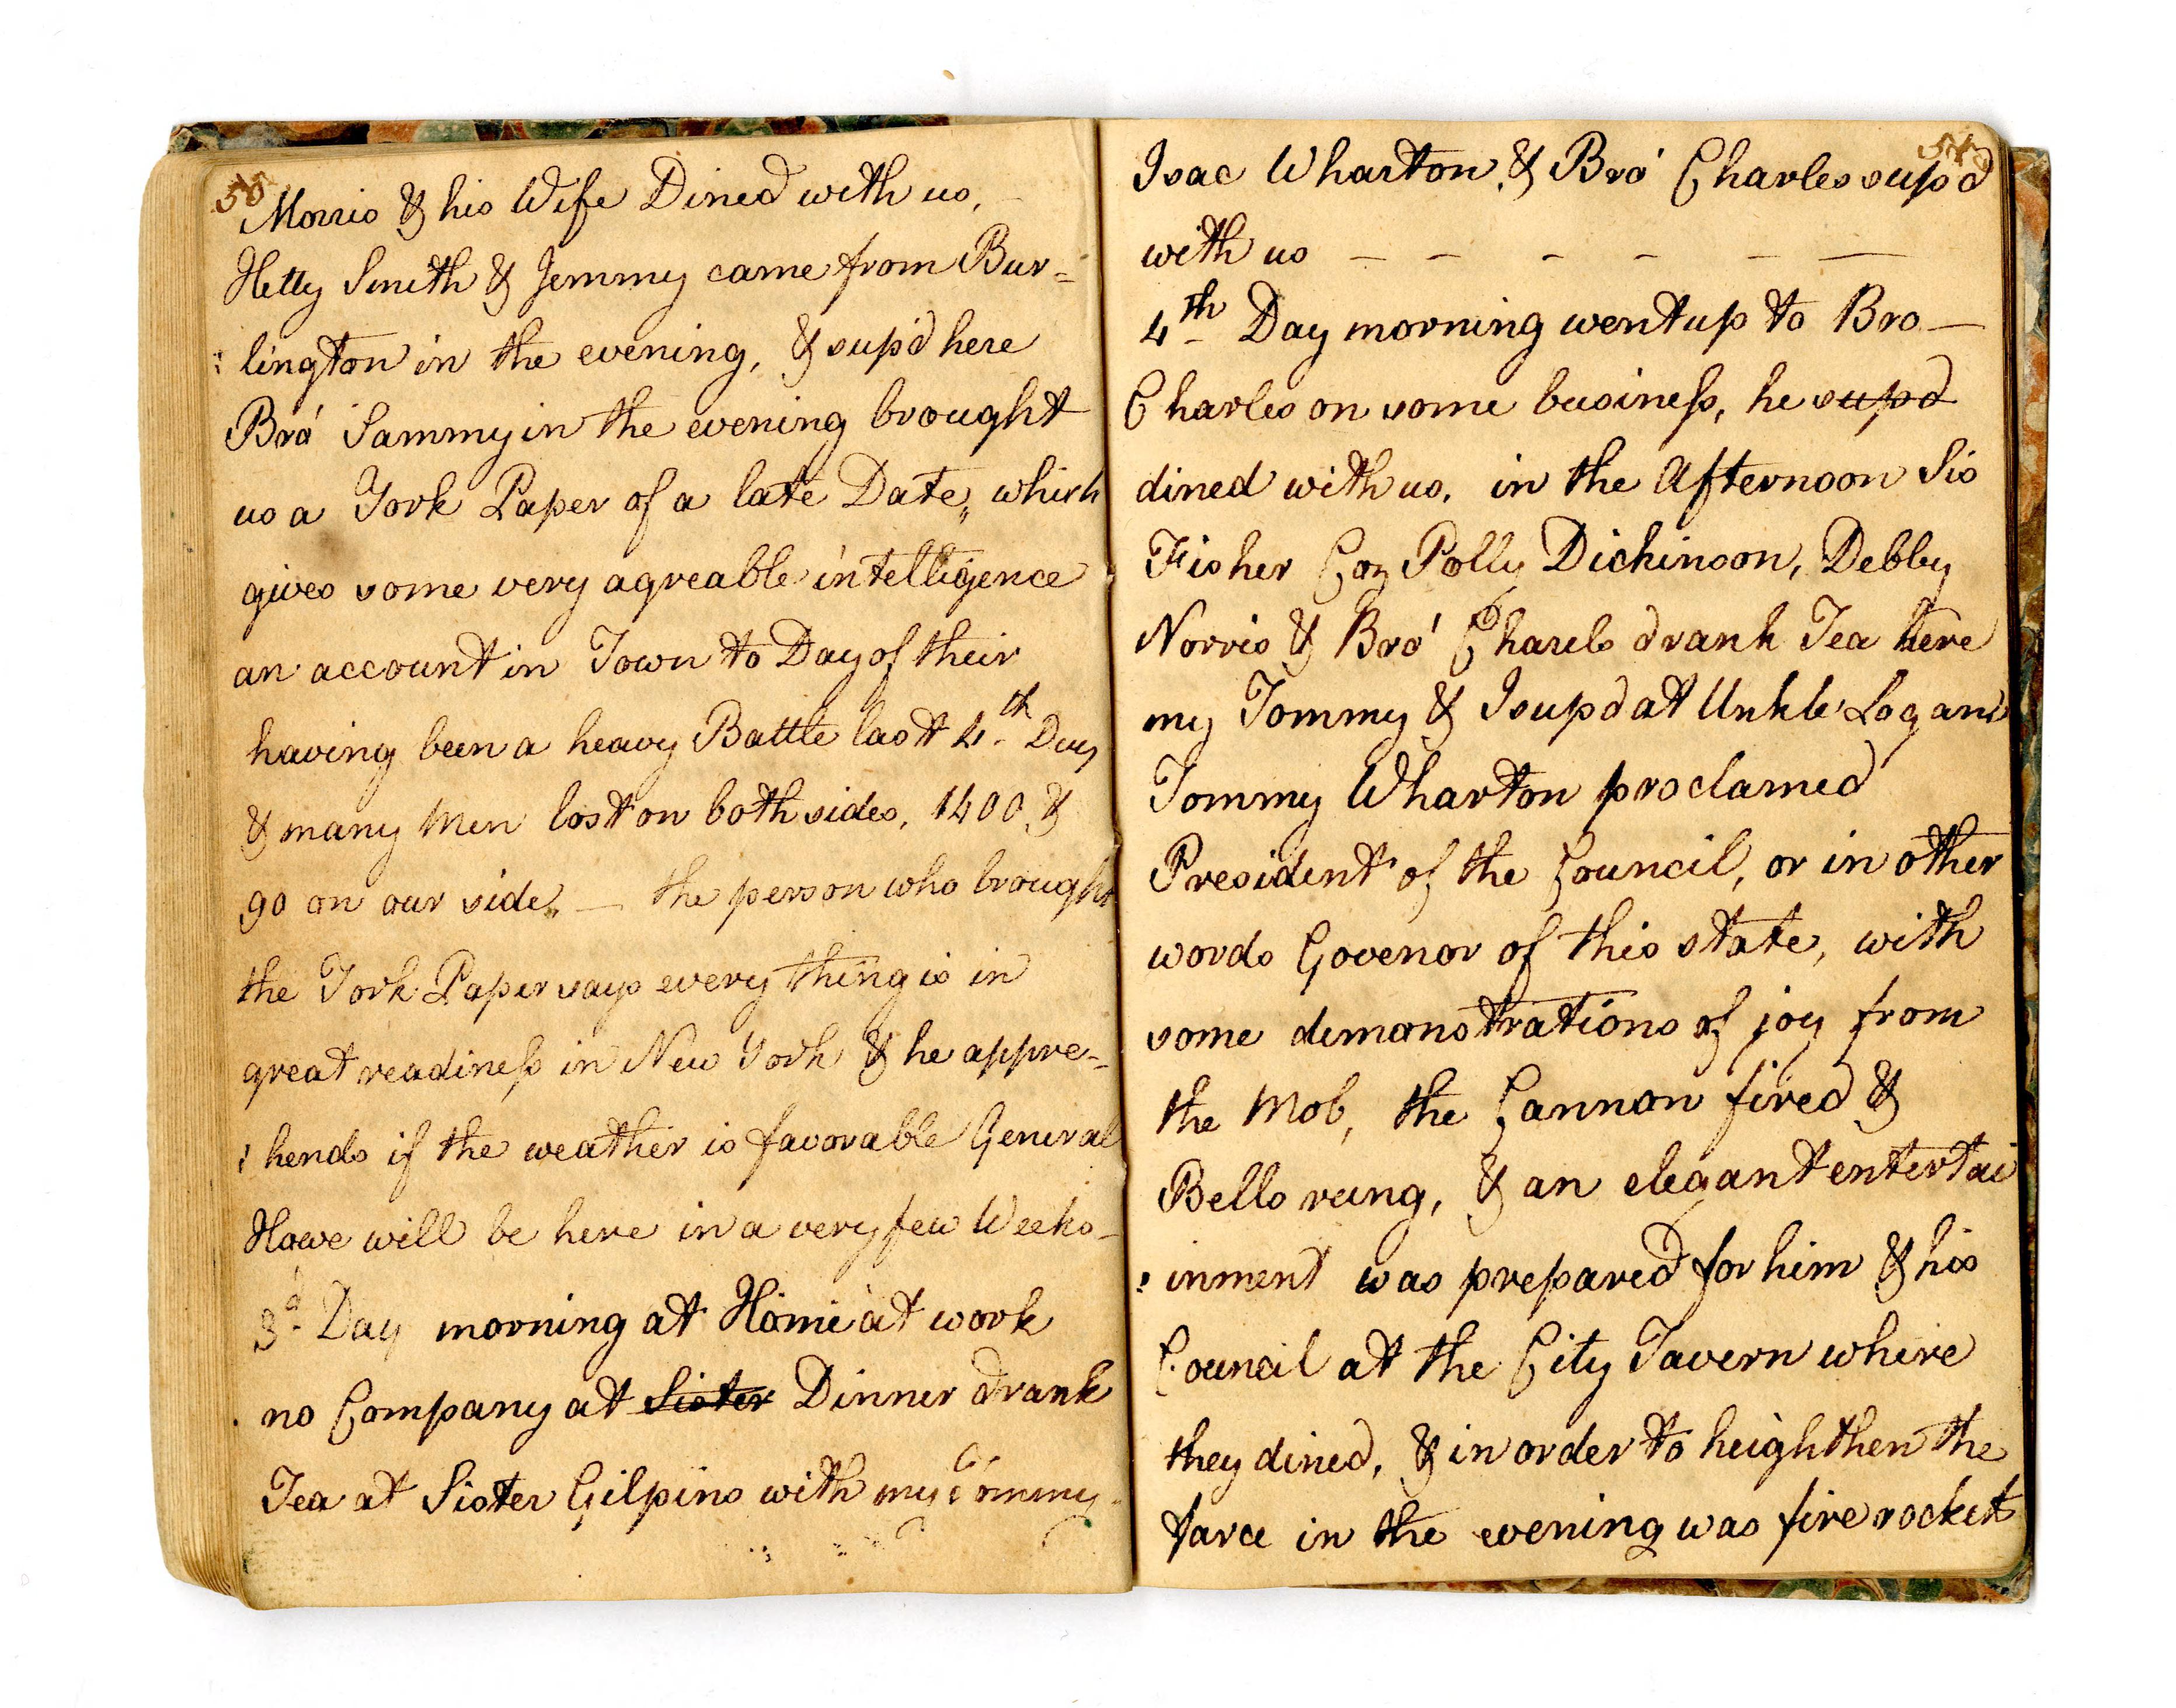Morris & his Wife Dined with us,
Hetty Smith & Jemmy came from Bur-
-lington in the evening, & sup'd here
Bro' Sammy in the evening brought
us a York Paper of a late Date, which
gives some very agreable intelligence
an account in Town to Day of their
having been a heavy Battle last 4^th. Day
& many Men lost on both sides, 1400 &
90 on our side- the person who brought
the York Paper says every thing is in
great readiness in New York & he appre-
-hends if the weather is favorable General
Howe will be here in a very few Weeks
3^d. Day morning at Home at work
no Company at [Sister] Dinner drank
Tea at Sister Gilpins with my Tommy
Isac Wharton, & Bro' Charles sup'd
with us-
4^th Day morning went to Bro-
Charles on some business, he sup'd
dined with us, in the Afternoon Sis
Fisher Coz Polly Dickinson, Debby
Norris & Bro' Charels drank Tea here
my Tommy & I sup'd at Unkle Logan's
Tommy Wharton proclamed
President of the Council, or in other
words Govenor of this state, with
some demonstrations of joy from
the Mob, the Cannon fired &
Bells rung, & an elegant entertai
-inment was prepared for him & his
Council at the City Tavern where
they dined, & in order to heighthen the
farce in the evening was firerockets